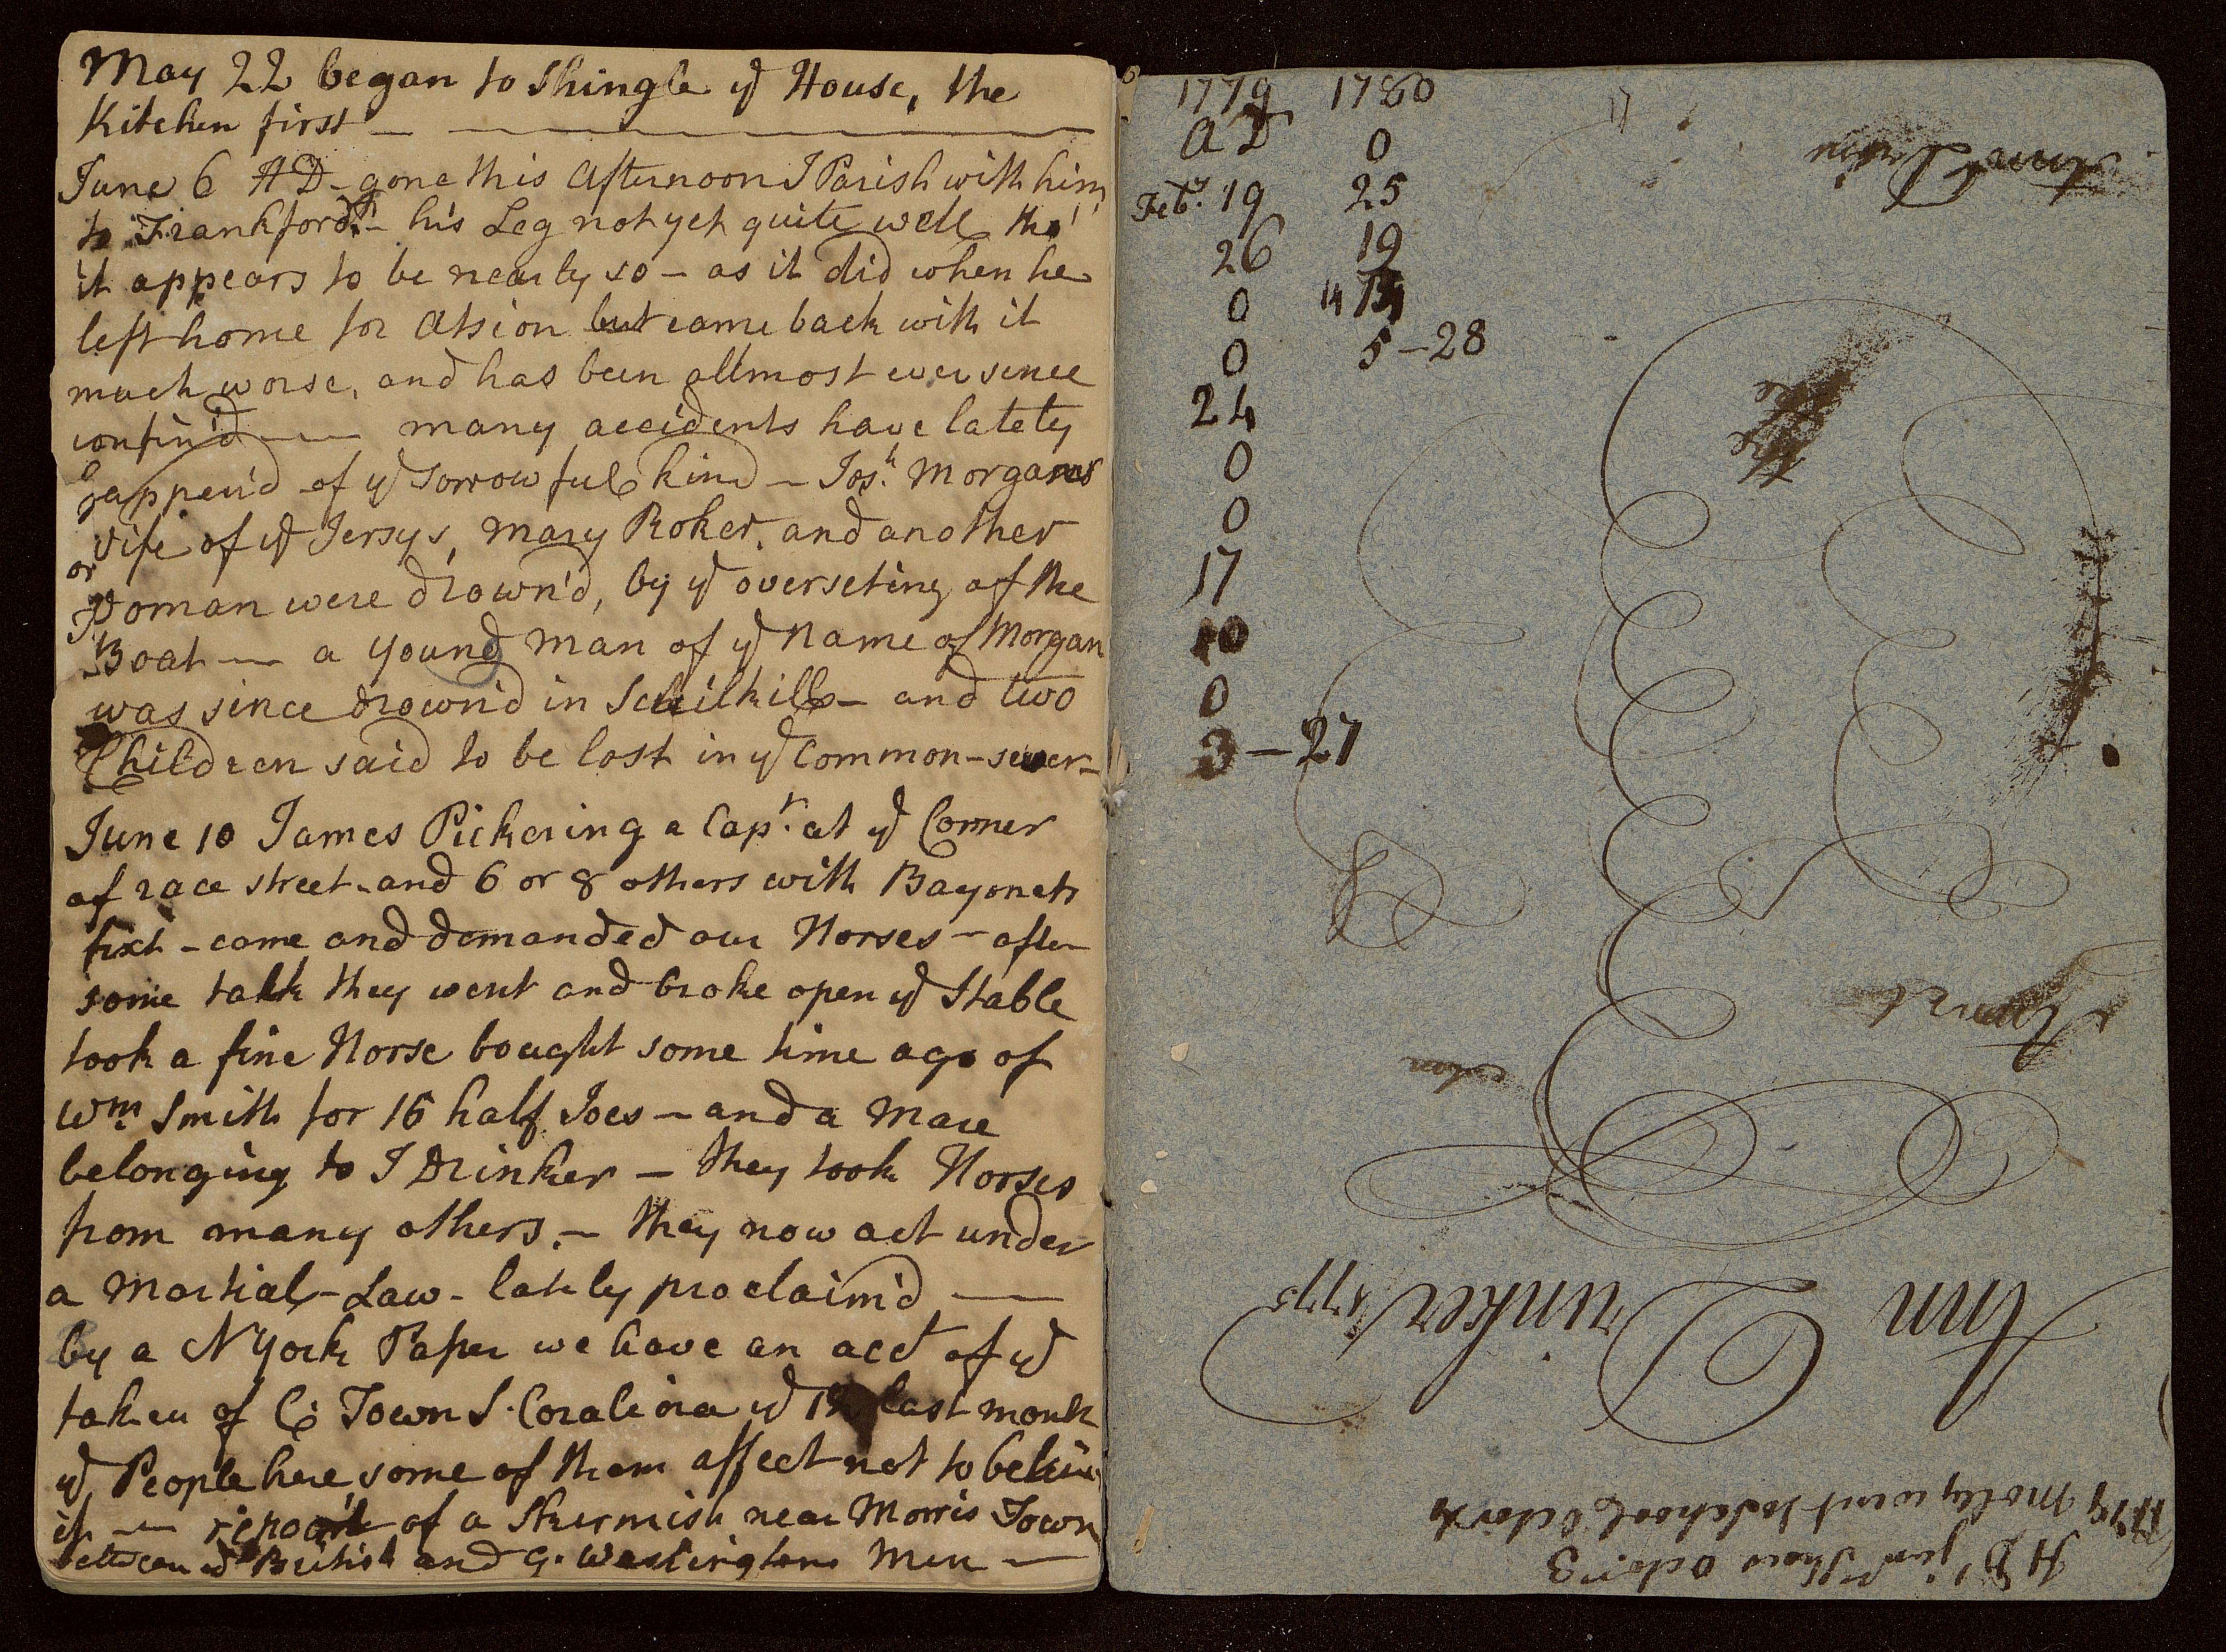May 22 began to shingle y^e House, the
Kitchen first-
June 6 HD- gone this Afternoon I Parish with him,
to Frankford- his Leg not yet quite well, tho'
it appears to be nearly so- as it did when he
left home for Atsion but came back with it
much worse, and has been allmost ever since
confin'd-- many accidents have lately
happen'd of y^e sorrowful kind- Jos^h. Morgans
wife of y^e Jersys, Mary Roker, and another
Woman were drown'd, by y^e overseting of the
Boat- a Young man of y^e name of Morgan
was since drown'd in Scuilkill- and two
Children said to be lost in y^e Common-sever-
June 10 James Pickering a Cap^t at y^e Corner
at race street- and 6 or 8 others with Bayonets
fixt- come and demanded our Horses- after-
some talk they went and broke open y^e Stable
took a fine Horse bought some time ago of
W^m. Smith for 16 half Joes- and a Mare
belonging to I Drinker- they took Horses
from many others,- they now act under
a Martial-Law- lately proclaim'd-
by a N York Paper we have an acc^t of y^e
taken of C. Town S. Coralina y^e 12 last month
y^e People here some of them affect not to believe
it- repoart of a Skirmish near Morris Town
between y^e British and G. Washingtons men-
1779
1780
A D
0
25
Feb^y. 19
19
26
14 15
0
5-28
O
24
0
0
17
10
0
3-27
HD' jun^r Shoes Octo^r. 3
1779 Molly went to School Octor 4
Ann Drinker 1775
Ann
Ann
Ann Drink